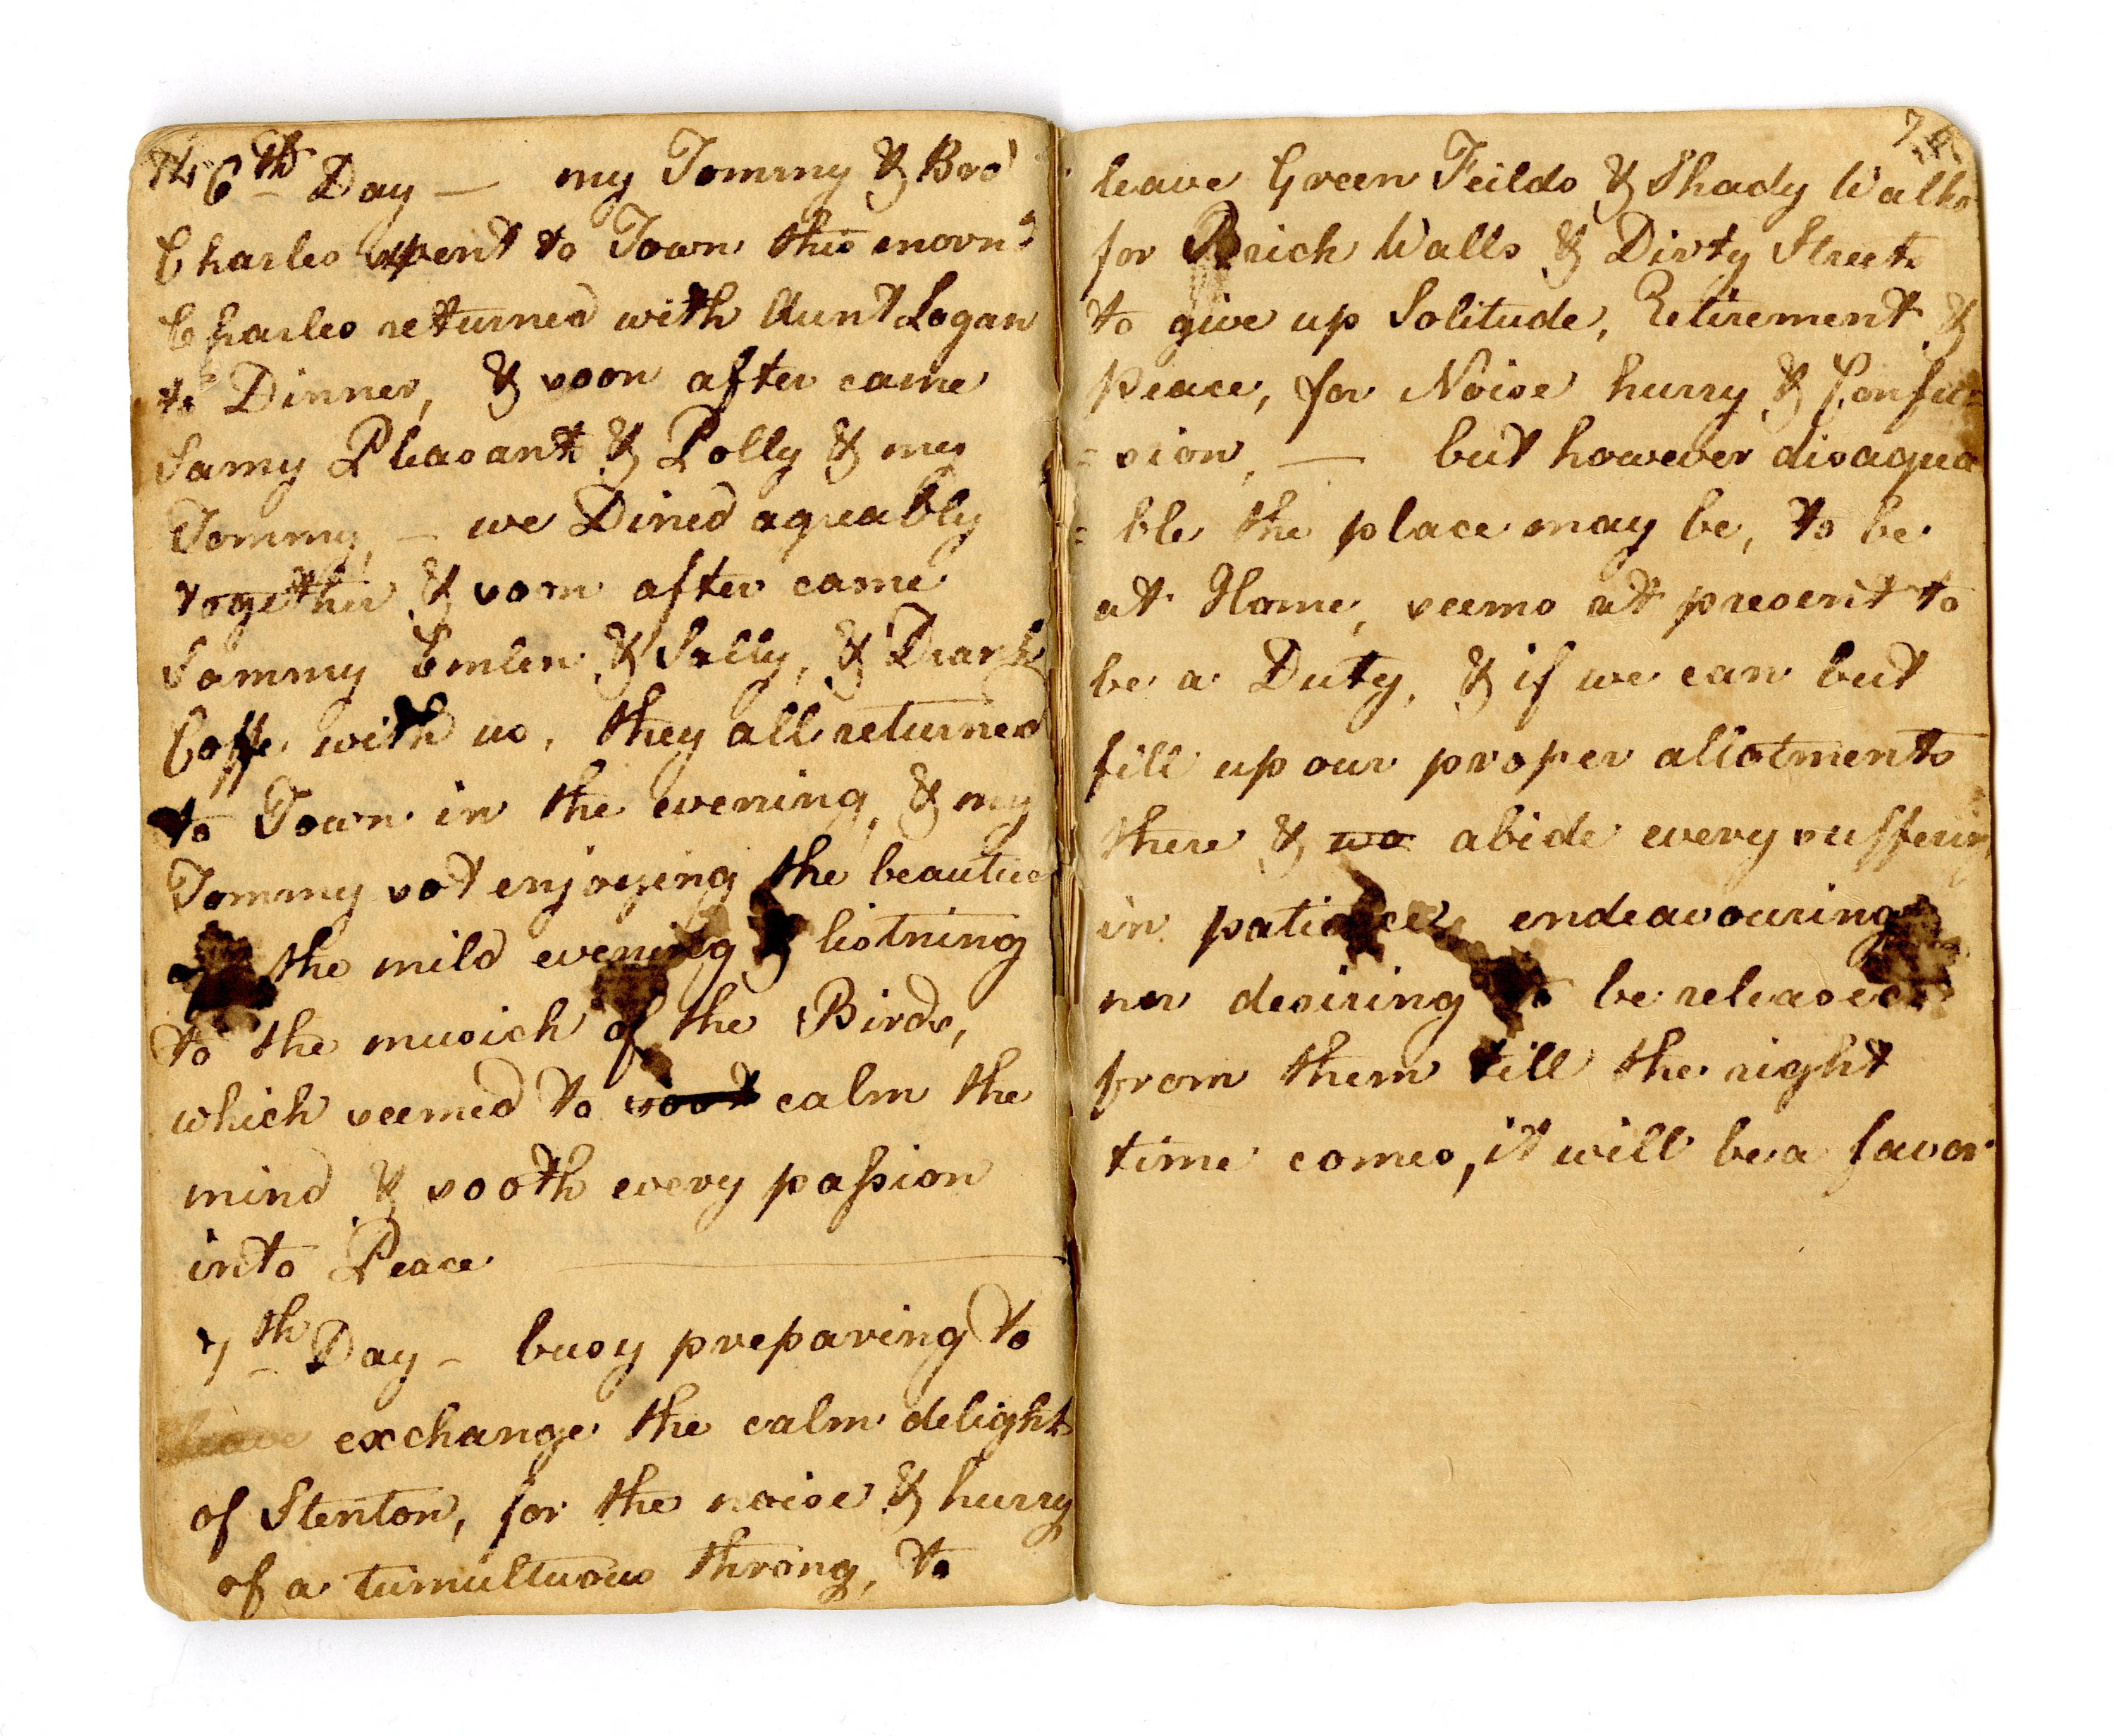74
6^th Day- my Tomm7 & Bro'
Charles spent to Town this morn^g
Charles returned with Aunt Logan
to Dinner, & soon after came
Samy Pleasant & Polly & my
Tommy- we Dined agreably
together & soon after came
Sammy Emlen & Sally, & Drank
Coffe with us, they all returned
to Town in the evening & my
Tommy sot enjoying the beauties
of the mild evening & listning
to the musich of the Birds,
which seemed to [soak] calm the
mind & sooth every passion
into Peace
7^th Day- busy preparing to
have exchange the calm delight
of Stenton, for the noise & hurry
of a tumultuous throng, to
75
leave Green Feilds & Shady Walks
for Brick Walls & Dirty Streets
to give up Solitude, Retirement &
Peace, for Noise hurry & Confu-
-sion- but however disagrea
-ble the place may be, to be
at Home, seems at present to
be a Duty & if we can but
fill up our proper allotments
there & [wo] abide every suffering
in patience endeavouring
nor desiring to be released
from them till the right
time comes, it will be a favor